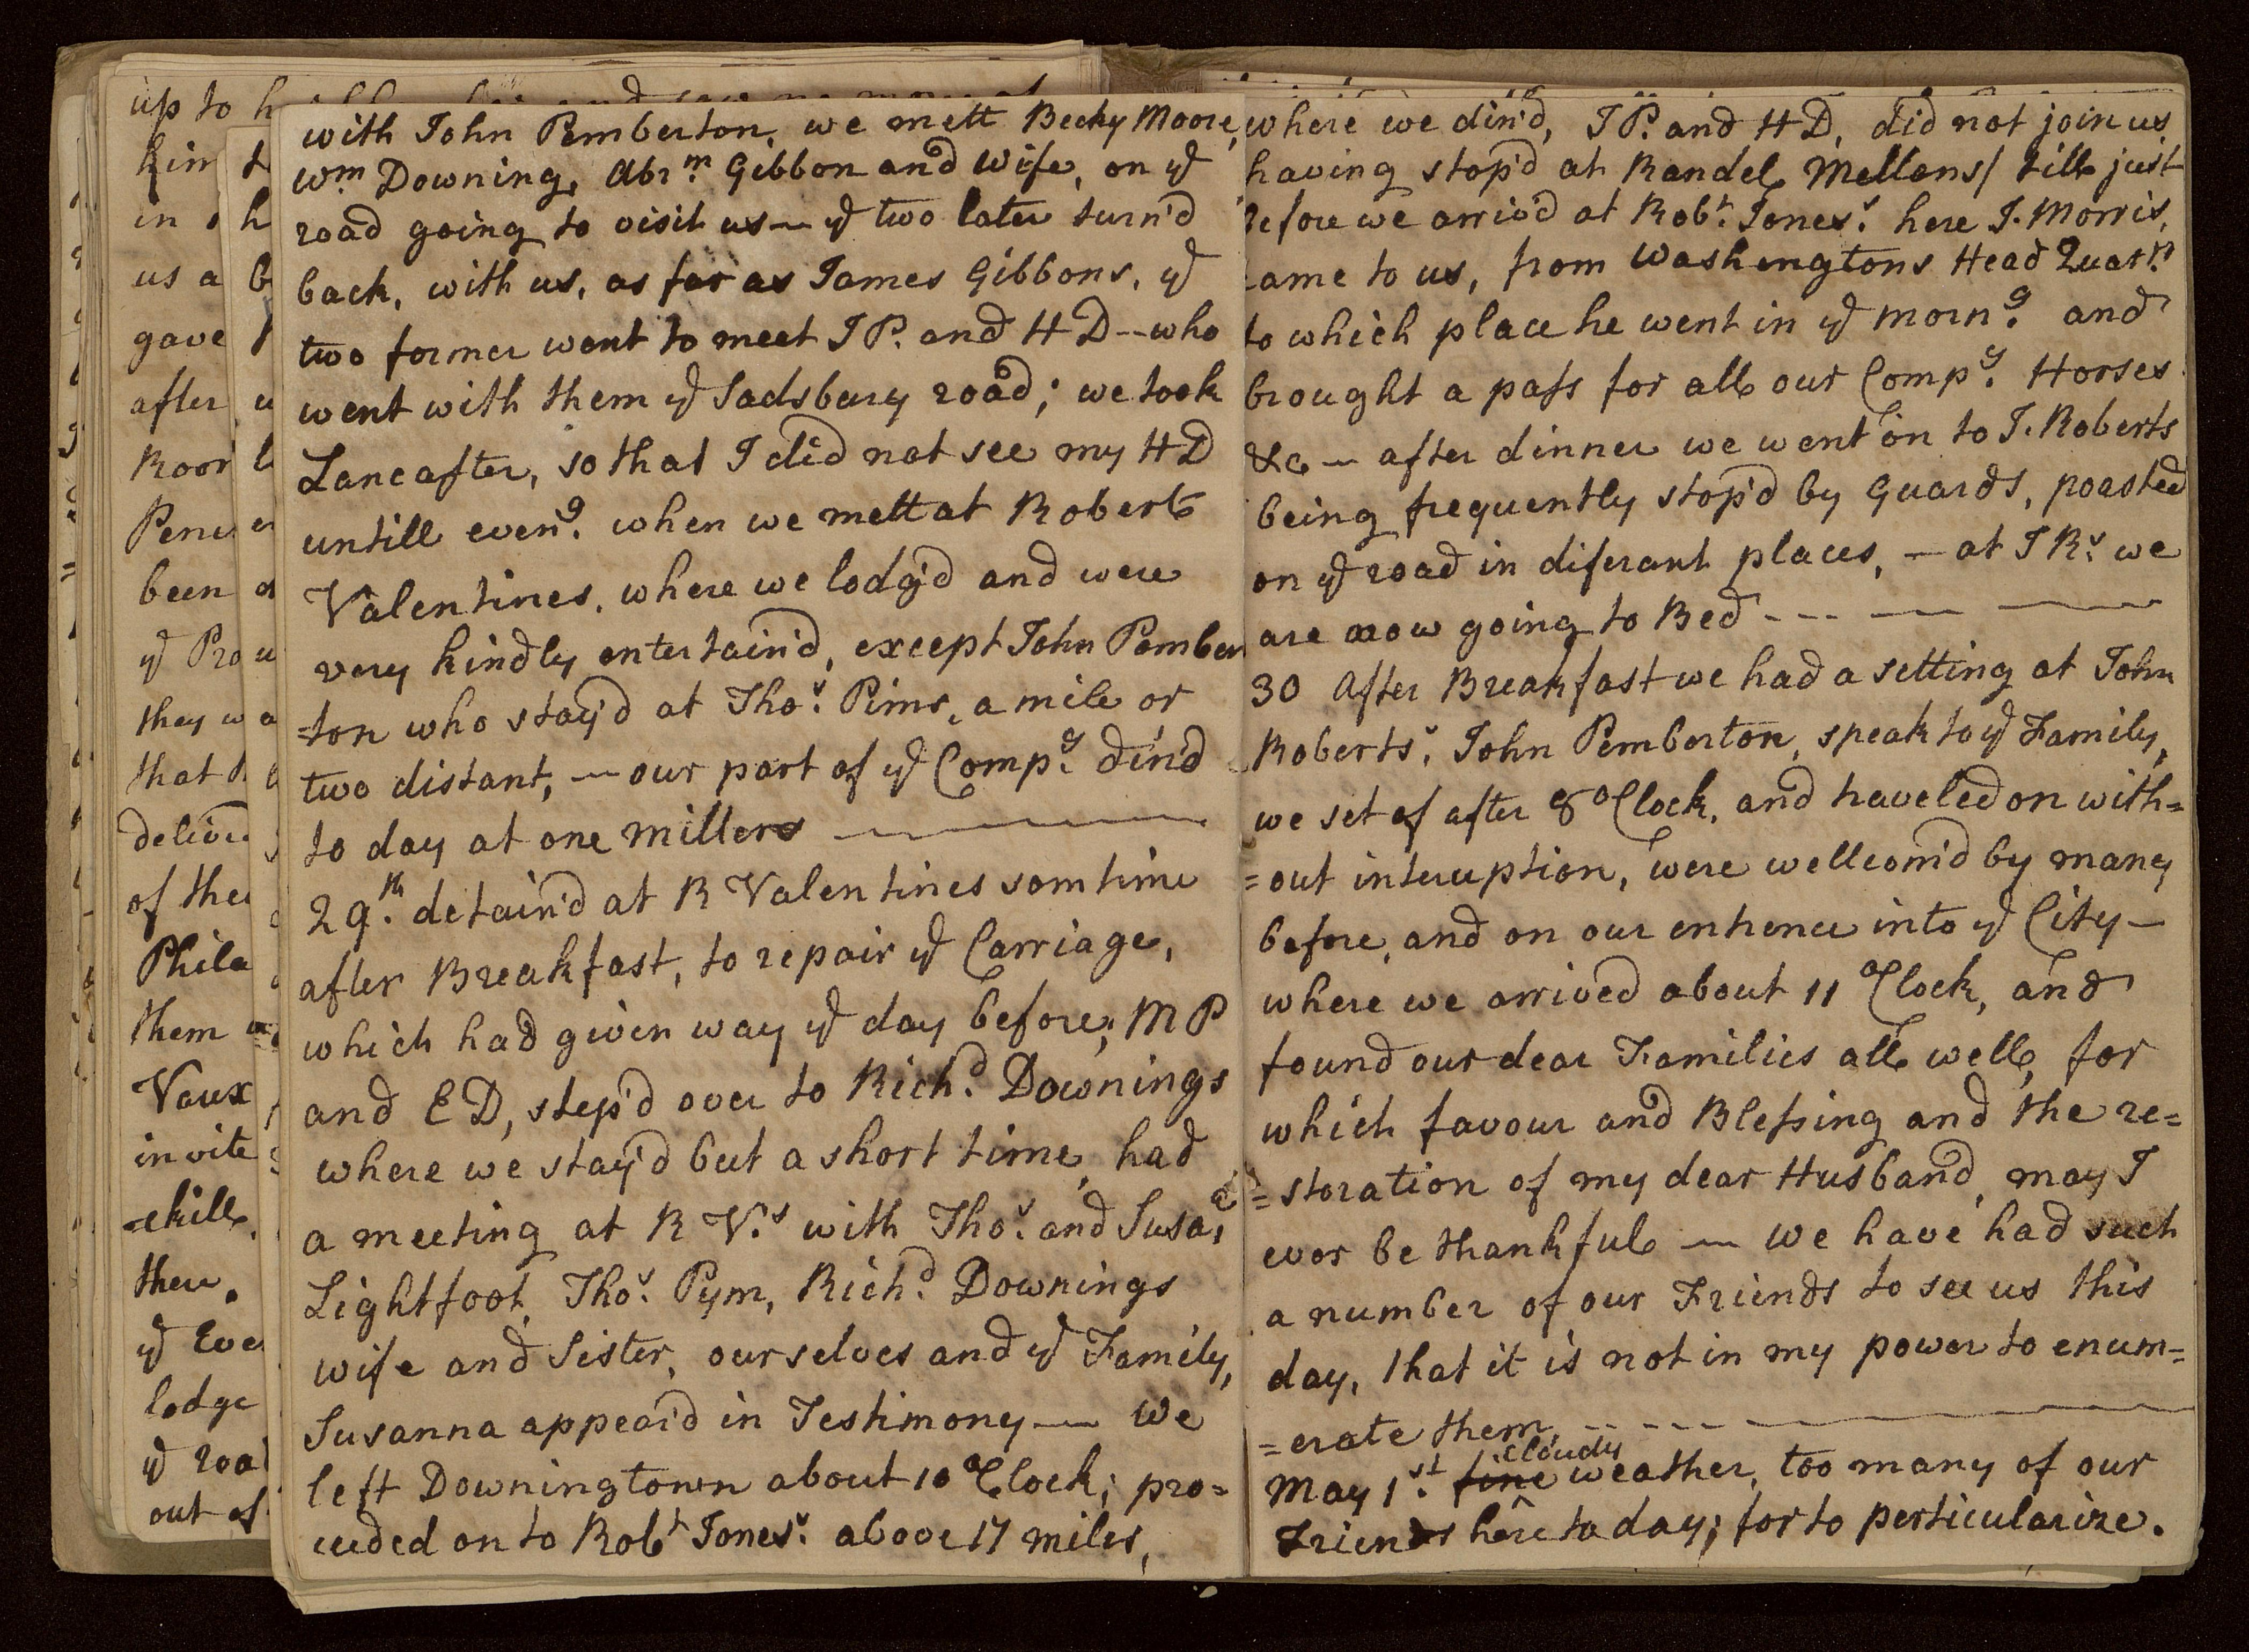with John Pemberton, we mett Becky Moore,
W^m. Downing, Abr^m. Gibbon and Wife, in y^e
road going to visit us- y^e two later turn'd
back, with us, as far as James Gibbons, y^e
two former went to meet J P. and H D-who
went with them y^e Sadsbury road; we took
Lancaster, so that I did not see my HD
untill even^g. when we mett at Roberts
Valentines, where we lodg'd and were
very kindly entertain'd, except John Pember
-ton who stay'd at Tho^s. Pims, a mile or
two distant,- our part of y^e Comp^y. din'd
to day at one millers-
2 9^th. detain'd at R Valentines som time
after Breakfast, to repair y^e Carriage,
which had given way y^e day before, MP
and ED, step'd over to Rich^d Downings
where we stay'd but a short time, had
a meeting at R V^s. with Tho^s. and Susa^a,
Lightfoot, Tho^s. Pym, Rich^d. Downings
wife and Sister, ourselves and y^e Family,
Susanna appear'd in Testimony- We
left Downingtown about 10 ^o Clock; pro-
ceeded on to Rob^t Jones^s. aboue 17 miles,
where we din'd, J P. and H D, did not join us
having stop'd at Randel Mellons/ till just
before we arriv'd at Rob^t. Jones^s. here J. Morris,
came to us, from Washingtons Head Quar^ts.
to which place he went in y^e morn^g. and
brought a pass for all our Comp^y. Horses
&c- after dinner we went on to J. Roberts
being frequently stop'd by Guards, poasted
on y^e road in diferant places,- at TR^s. we
are now going to Bed---
30 after Breakfast we had a sitting at John
Roberts^s. John Pemberton, speak to y^e Family
we set of after 8 ^o Clock, and traveled on with-
-out interuption, were wellcom'd by many
before, and on our entrence into y^e City-
where we arrived about 11 ^o Clock, and
found our dear Families all well, for
which favour and Blessing and the re-
-storation of my dear Husband, may I
ever be thankful- we have had such
a number of our Friends to see us this
day, that it is not in my power to enum-
-erate them- --- -
,cloudy
May 1^st. Fine ^ weather, too many of our
Friends here to day; for to perticularize.